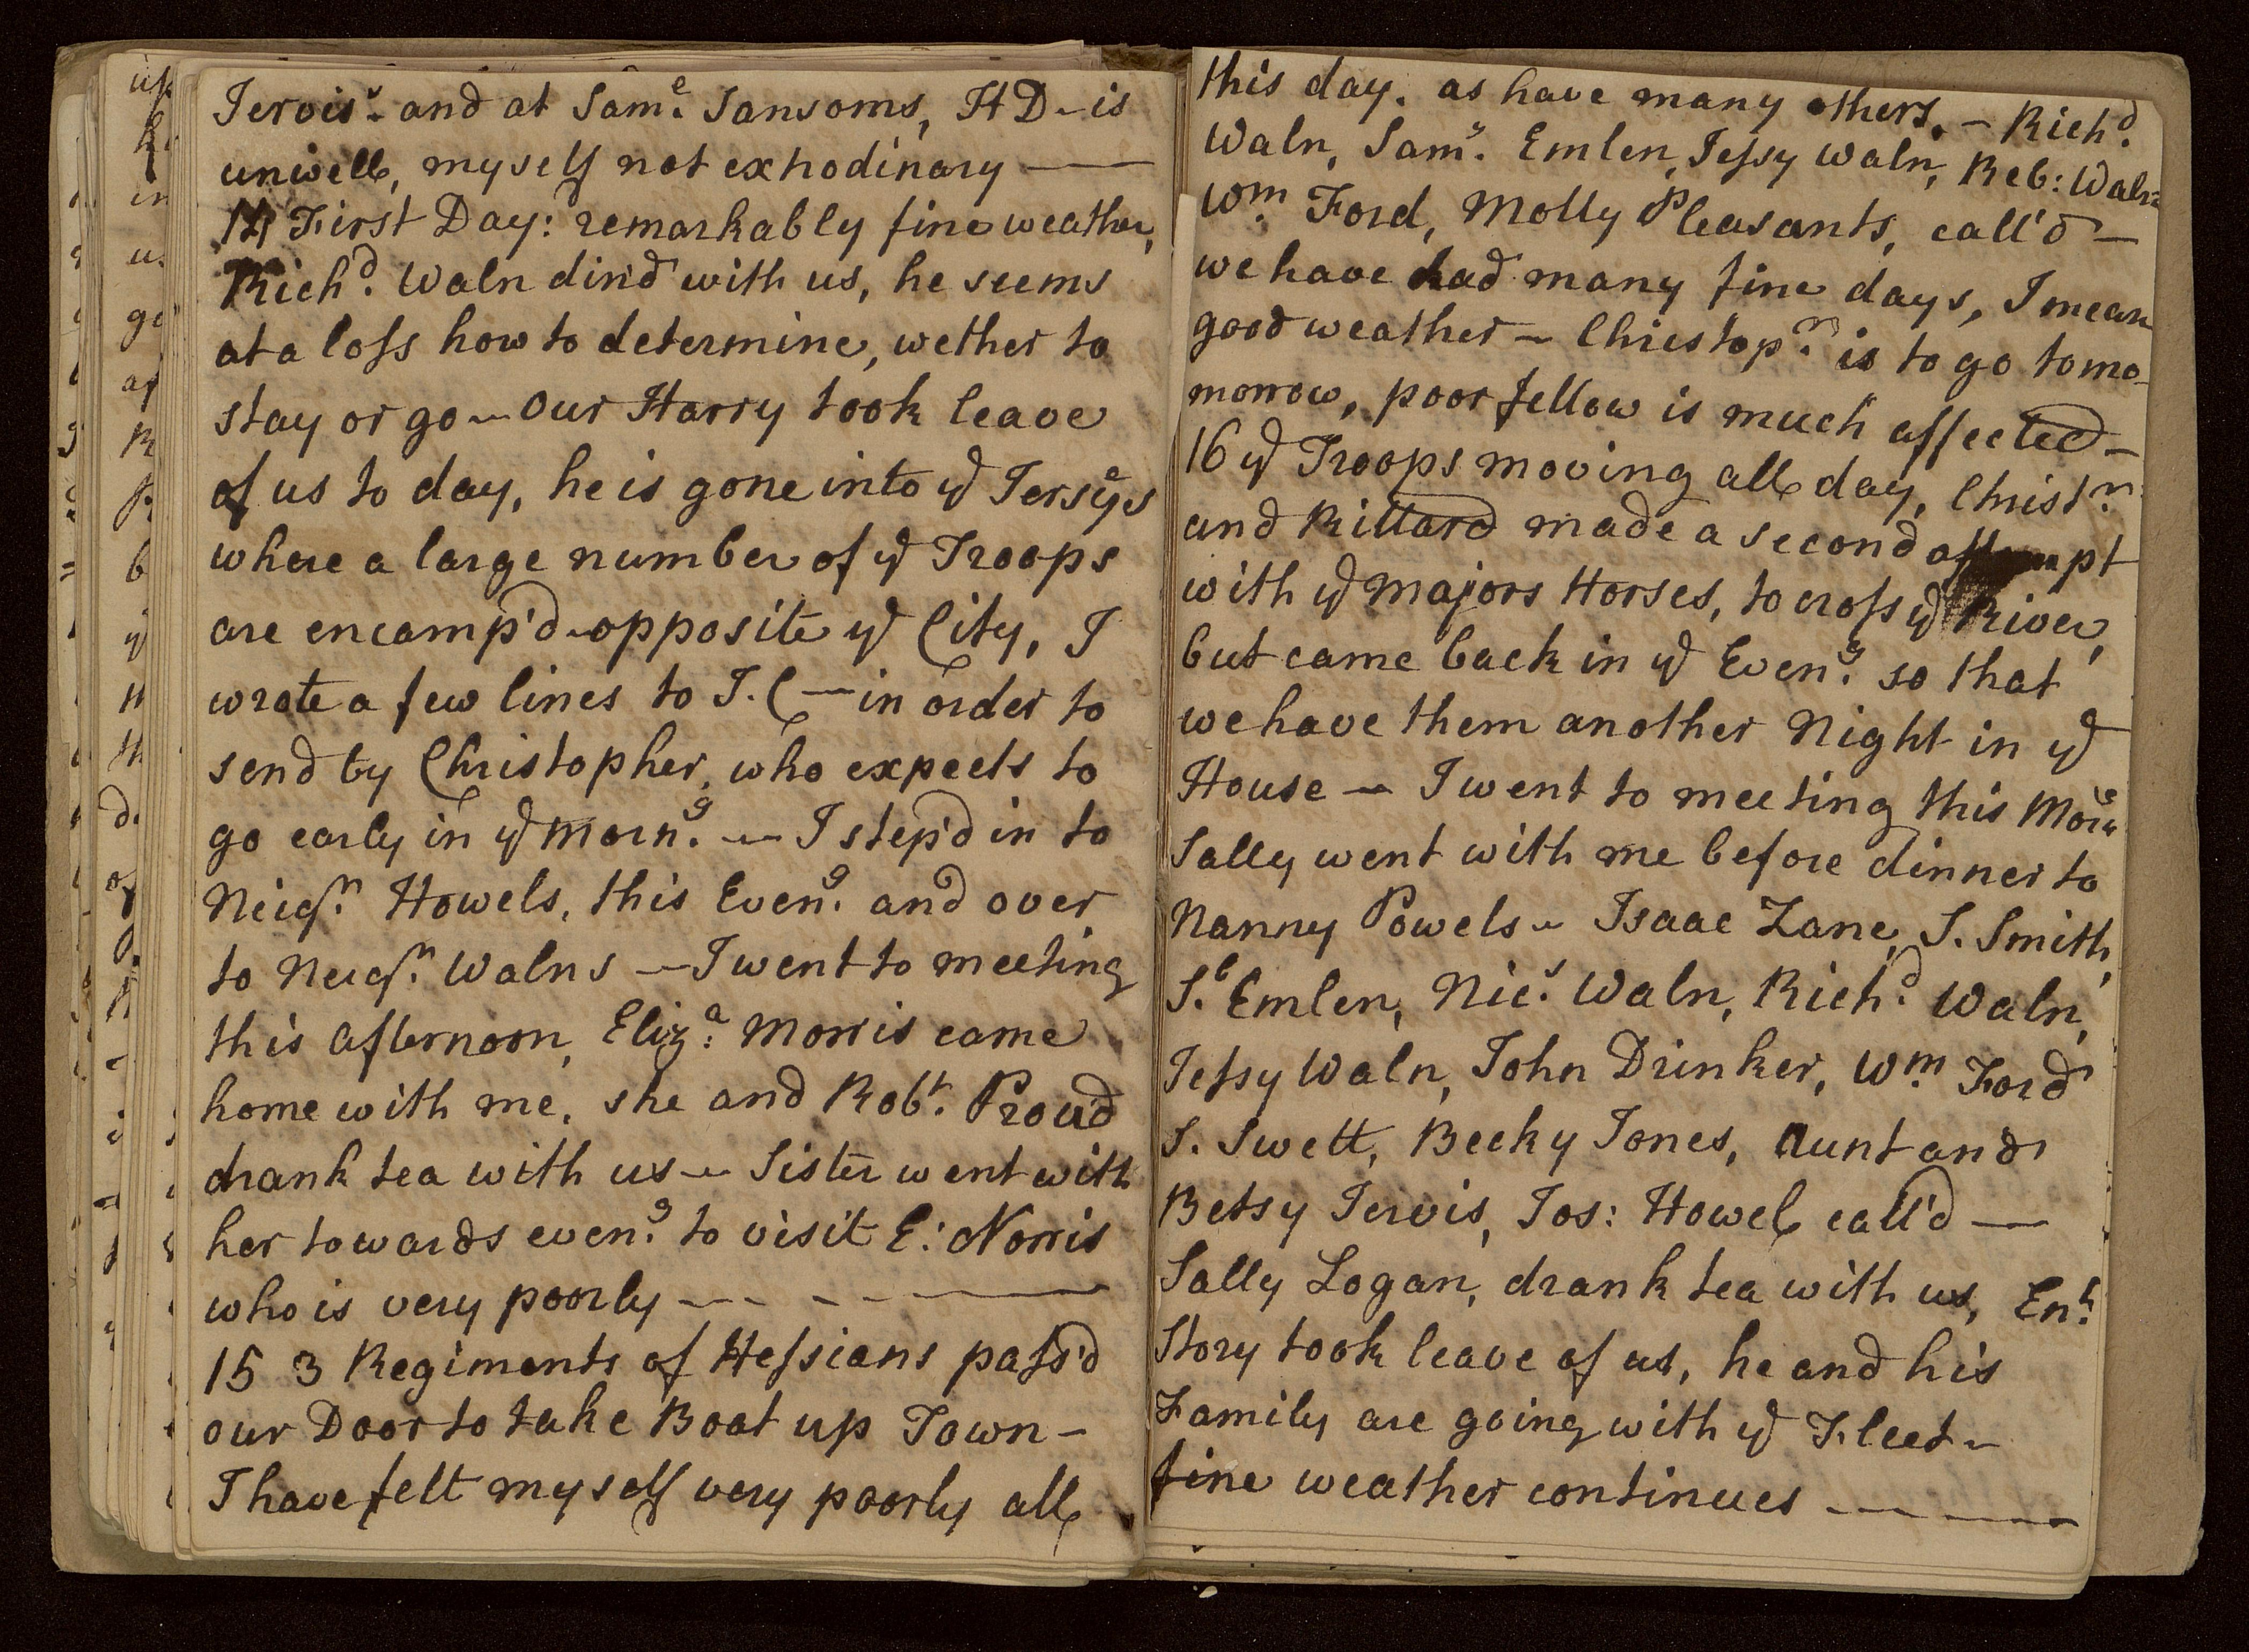Jervis^s. and at Sam^l. Sansoms, HD- is
unwell, myself not extrodinary-
14 First Day: remarkably fine weather,
Rich^d. Waln din'd with us, he seems
at a loss how to determine, wether to
stay or go- our Harry took leave
of us to day, he is gone into y^e Jers ^e ys
where a large number of y^e Troops
are encamp'd opposite y^e City, I
wrote a few lines to J.C- in order to
send by Christopher, who expects to
go early in y^e Morn^g.- I step'd in to
Neig^r. Howels, this Even^g. and over
to Neig^r. Walns- I went to meeting
this Afternoon, Eliz^a: Morris came
home with me, she and Rob^t. Proud
drank tea with us- Sister went with
her to wards even^g. to visit E: Noris
who is very poorly--
15 3 Regiments of Hessians pass'd
our Door to take Boat up Town-
I have felt myself very poorly all
this day. as have many others,- Rich^d.
Waln, Sam^y. Emlen, Jessy Waln, Reb: Wal[r]
W^m. Ford, Molly Pleasants, call'd-
we have had many fine days, I mean
good weather- Christop^r. is to go tomo-
morrow, poor fellow is much affected-
16 y^e Troops moving all day, Christ^r.
and Rittard made a second attempt
with y^e majors Horses, to cross y^e River
but came back in y^e Even^g. so that
we have them another Night in y^e
House- I went to meeting this Morn^g
Sally went with me before dinner to
Nanny Powels- Isaac Zane, S. Smith,
S^l. Emlen, Nic^s. Waln, Rich^d. Waln,
Jessy Waln, John Drinker, W^m. Ford
S. Swett, Becky Jones, Aunt and
Betsy Jervis, Jos: Howel call'd-
Sally Logan, drank tea with us, En^h
Story took leave of us, he and his
Family are going with y^e Fleet-
fine weather continues--